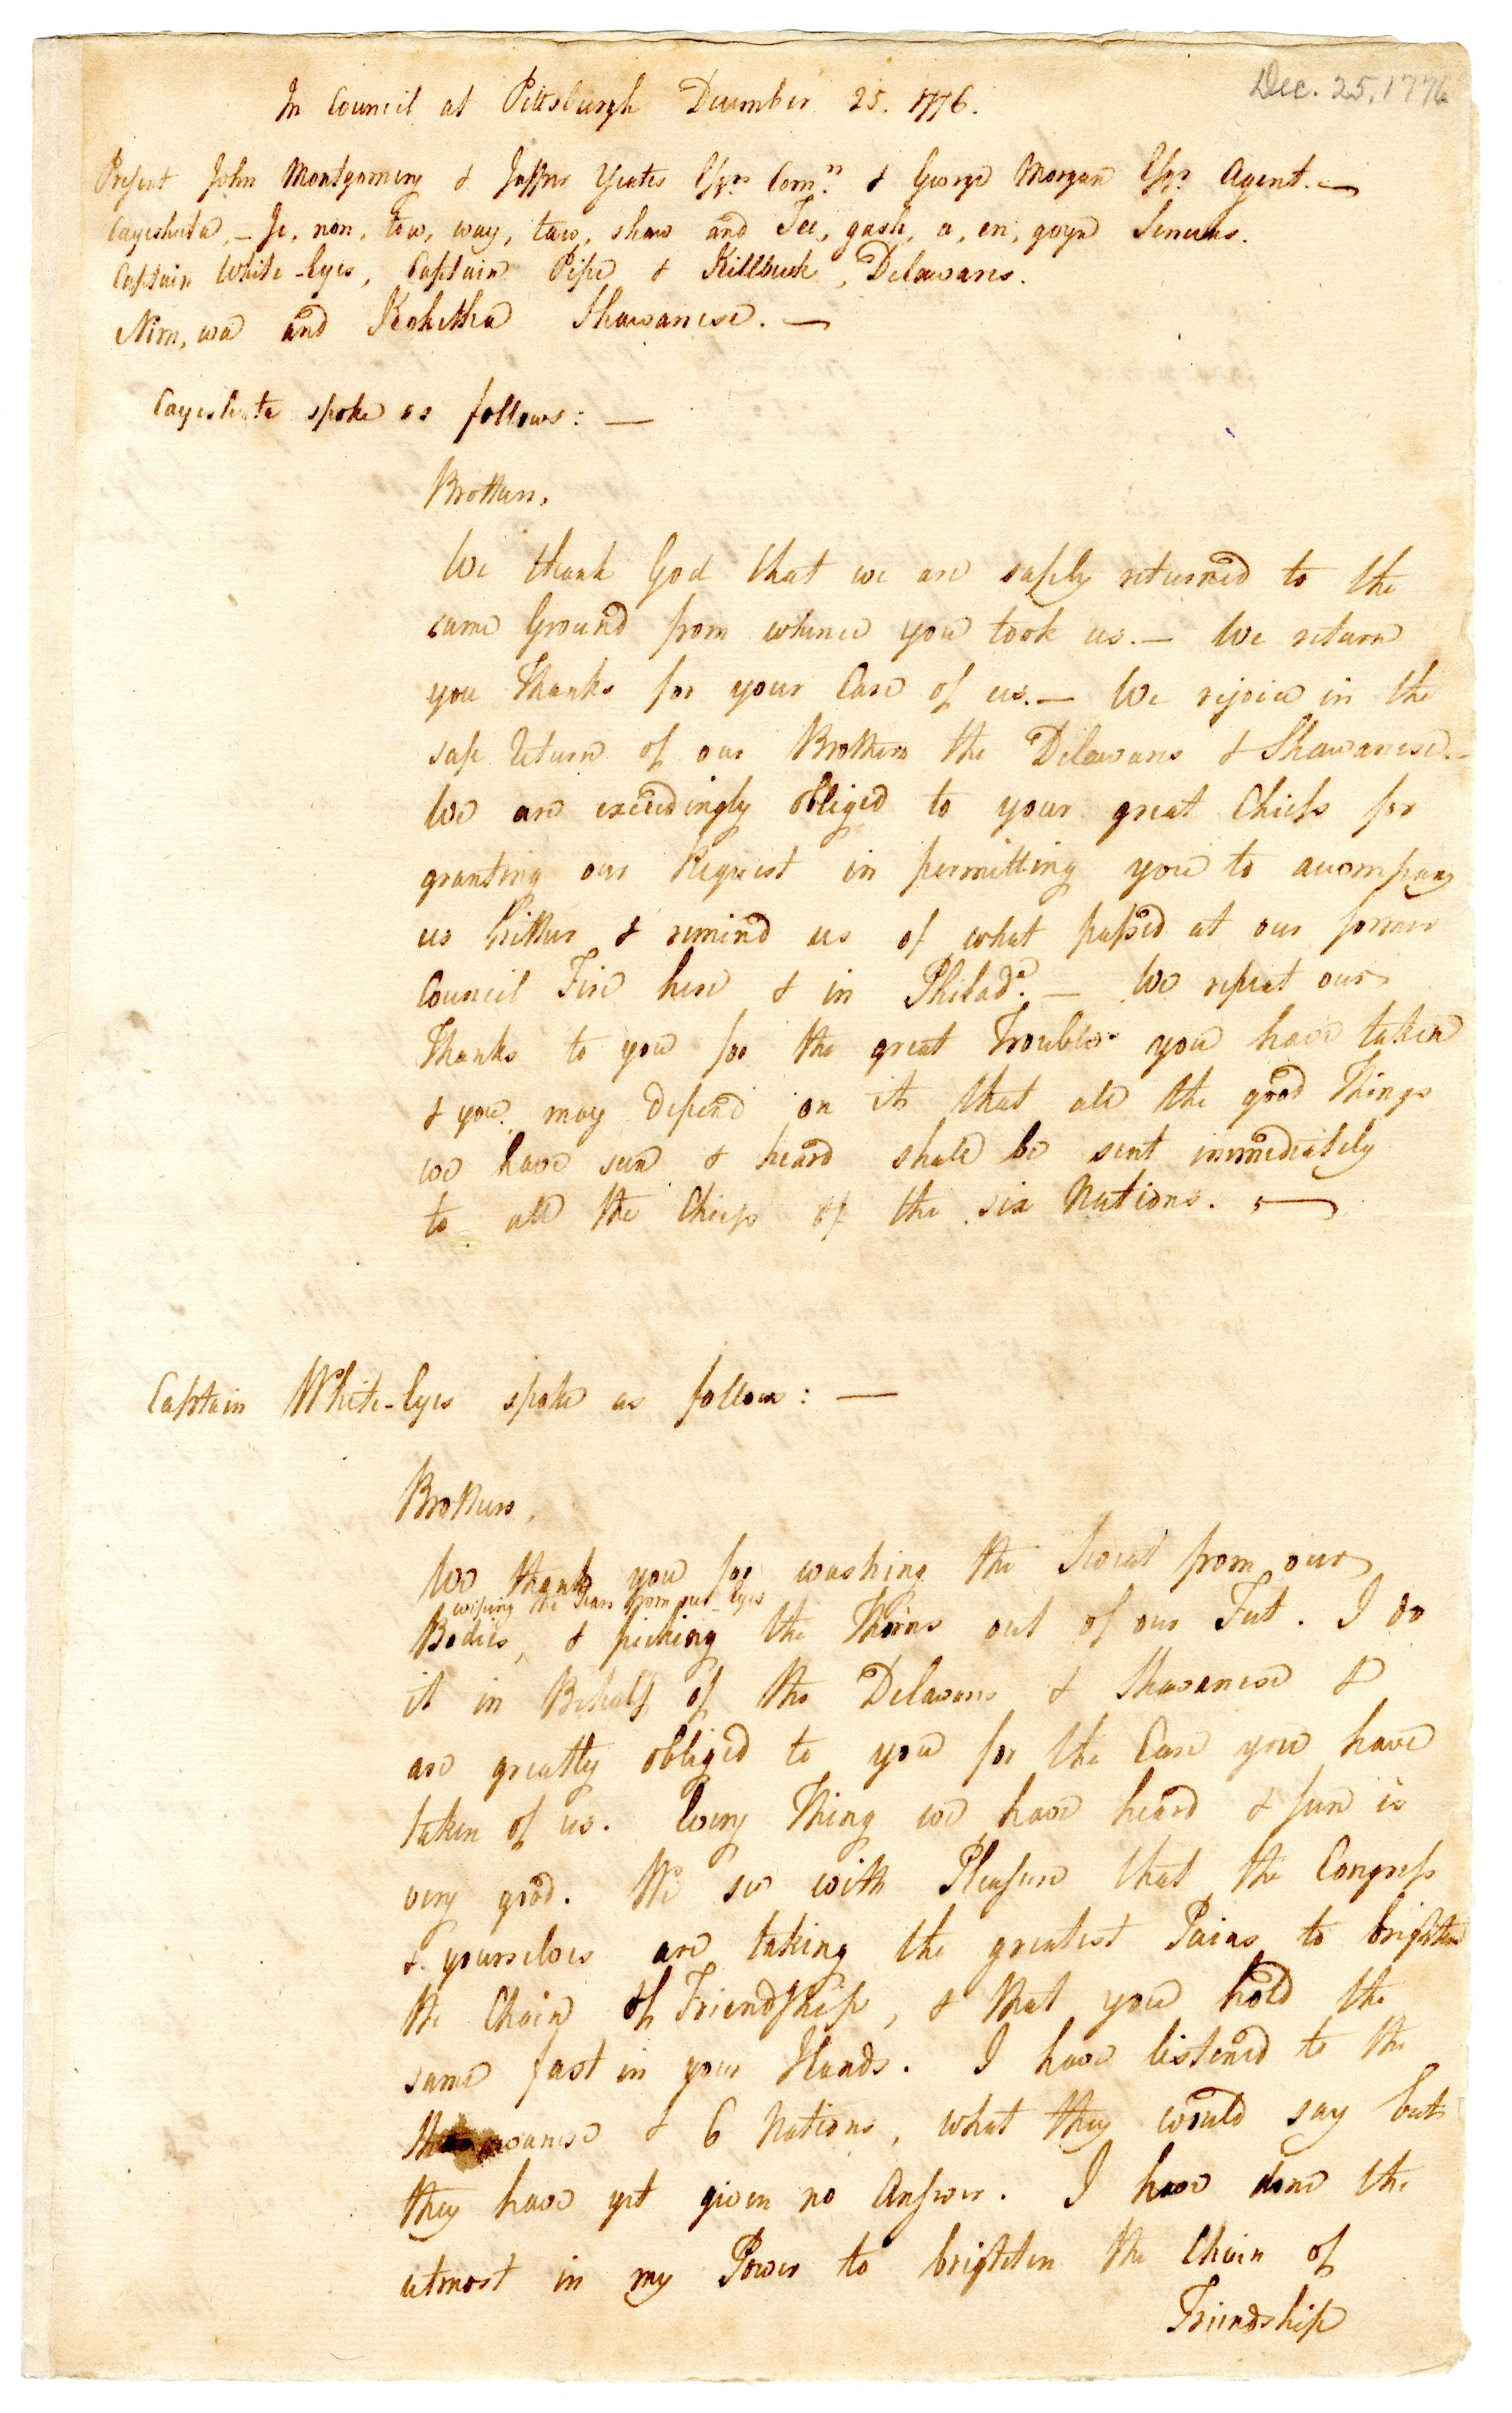Dec. 25. 1776
In Council at Pittsburgh December 25. 1776.
Present John Montgomery & Jasper Yeates Esq. Com^r. & George Morgan Esq. Agent.-
Cayeshuta,- Je, non, tow, way, taw, show and Tee, gash, a, en, goyn Senecas.
Captain White-Eyes, Captain Pipe, & Killbuck, Delawares.
Nim, wa and Koketha Shawanese.-
Cayeshuta spoke as follows:-
Brothers,
We thank God that we are safely returned to the
same Ground from whence you took us. We return
you Thanks for your Care of us.- We rejoice in the
safe return of our Brothers the Delawares & Shawanese.
We are exceedingly obliged to your great Chiefs for
granting our Request in permitting you to accompany
us hither & remind us of what passed at our former
Council Fire here & in Philad^a.- We respect our
Thanks to you for the great Troubles you have taken
& you may depend on its that all the good Things
we have seen & heard shall be sent immediately
to all the Chiefs of the six Nations.-
Captain White-Eyes spoke as follows:-
Brothers,
We thank you for washing the Sweat from our
wiping the Tears from our Eyes
Bodies, ^ & picking the Thorns out of our Feet. I do
it in Behalf of the Delawares & Shawanese &
are greatly obliged to you for the Care you have
taken of us. Every Thing we have heard & seen is
very good. We see with Pleasure that the Congress
& yourselves are taking the greatest Pains to brighten
the chain of Friendship, & that you hold the
same fast in your Hands. I have listened to the
Shawanese & 6 Nations, what they would say but
they have yet given no Answer. I have done the
utmost in my Power to brighten the Chain of
Friendship